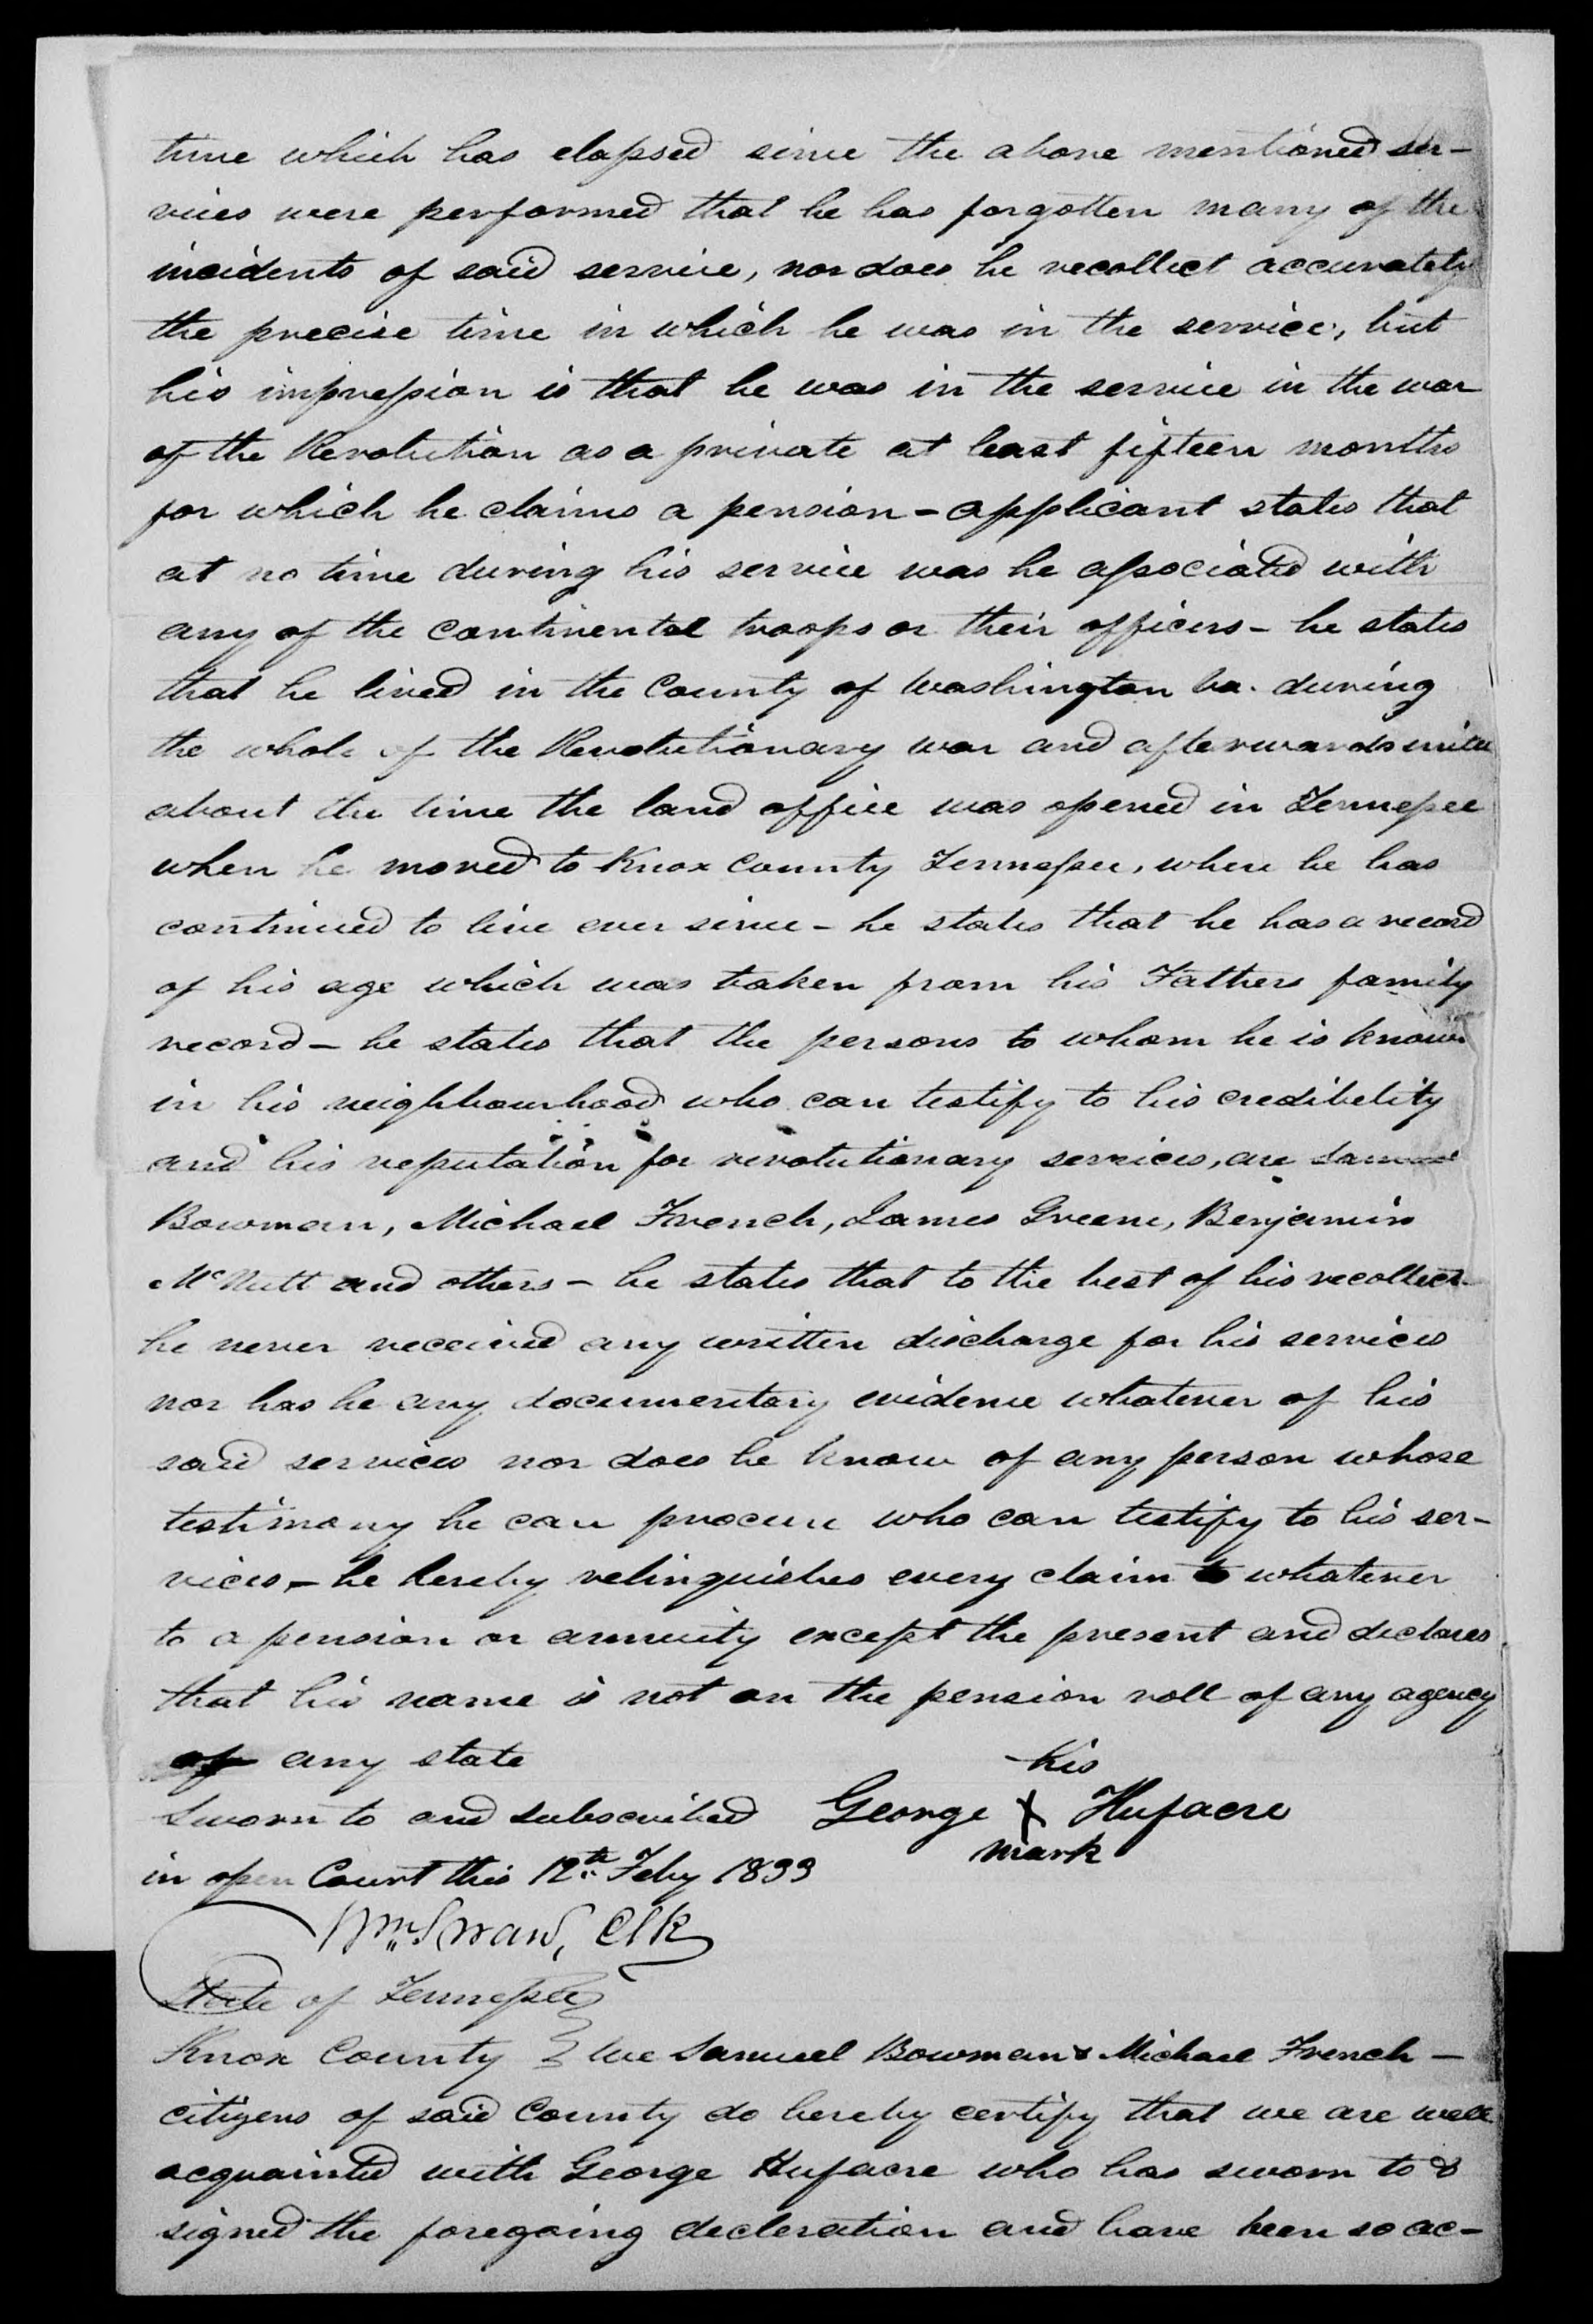time which has elapsed since the above mentioned services were performed that he has forgotten many of the incidents of said service, nor does he recollect accurately the precise time in which he was in the service, but his impression is that he was in the service in the war of the Revolution as a private at least fifteen months for which he claims a pension - applicant states that at no time during his service was he associated with any of the continental troops or their officers - he states that he lived in the County of Washington Va. during the whole of the Revolutionary War and afterwards until about the time the land office was opened in Tennessee when he moved to Knox County Tennessee, where he has continued to live ever since - he states that he has a record of his age that was taken from his Fathers family record - he states that the persons to whom he is known in his neighbourhood who can testify to his credibility and his reputation for revolutionary services are Samuel [illegible] Bowman, Michael French, James Greene,  Benjamin McNutt and others - he states that to the best of his recollect he never received any written discharge for his services nor has he any documentary evidence whatever of his said services nor does he know of any person whose testimony he can procure who can testify to his services - he hereby relinquishes every claim to [crossed out] whatever  to a pension or security except the present and declares that his name is not on the pension roll of any agency of any state
George Hufacre, X his mark
Sworn to and subscribed in open Court this 12th day July 1833
[Signature illegible maybe Wm S Ward, illegible maybe Clk]
State of Tennessee Knox County
We Samuel Bowman and Michael French - citizens of said County do hereby certify that we are well acquainted with George Hufacre who has sworn to & signed the foregoing declaration and have been so ac- [end of page]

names: Samuel Bowman, Wm S Ward, James Greene, Benjamin Mc Natt, Michael French, George Hufacre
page: 6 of 19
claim: survivor's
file: S. 1826, George Hufacre, Va.